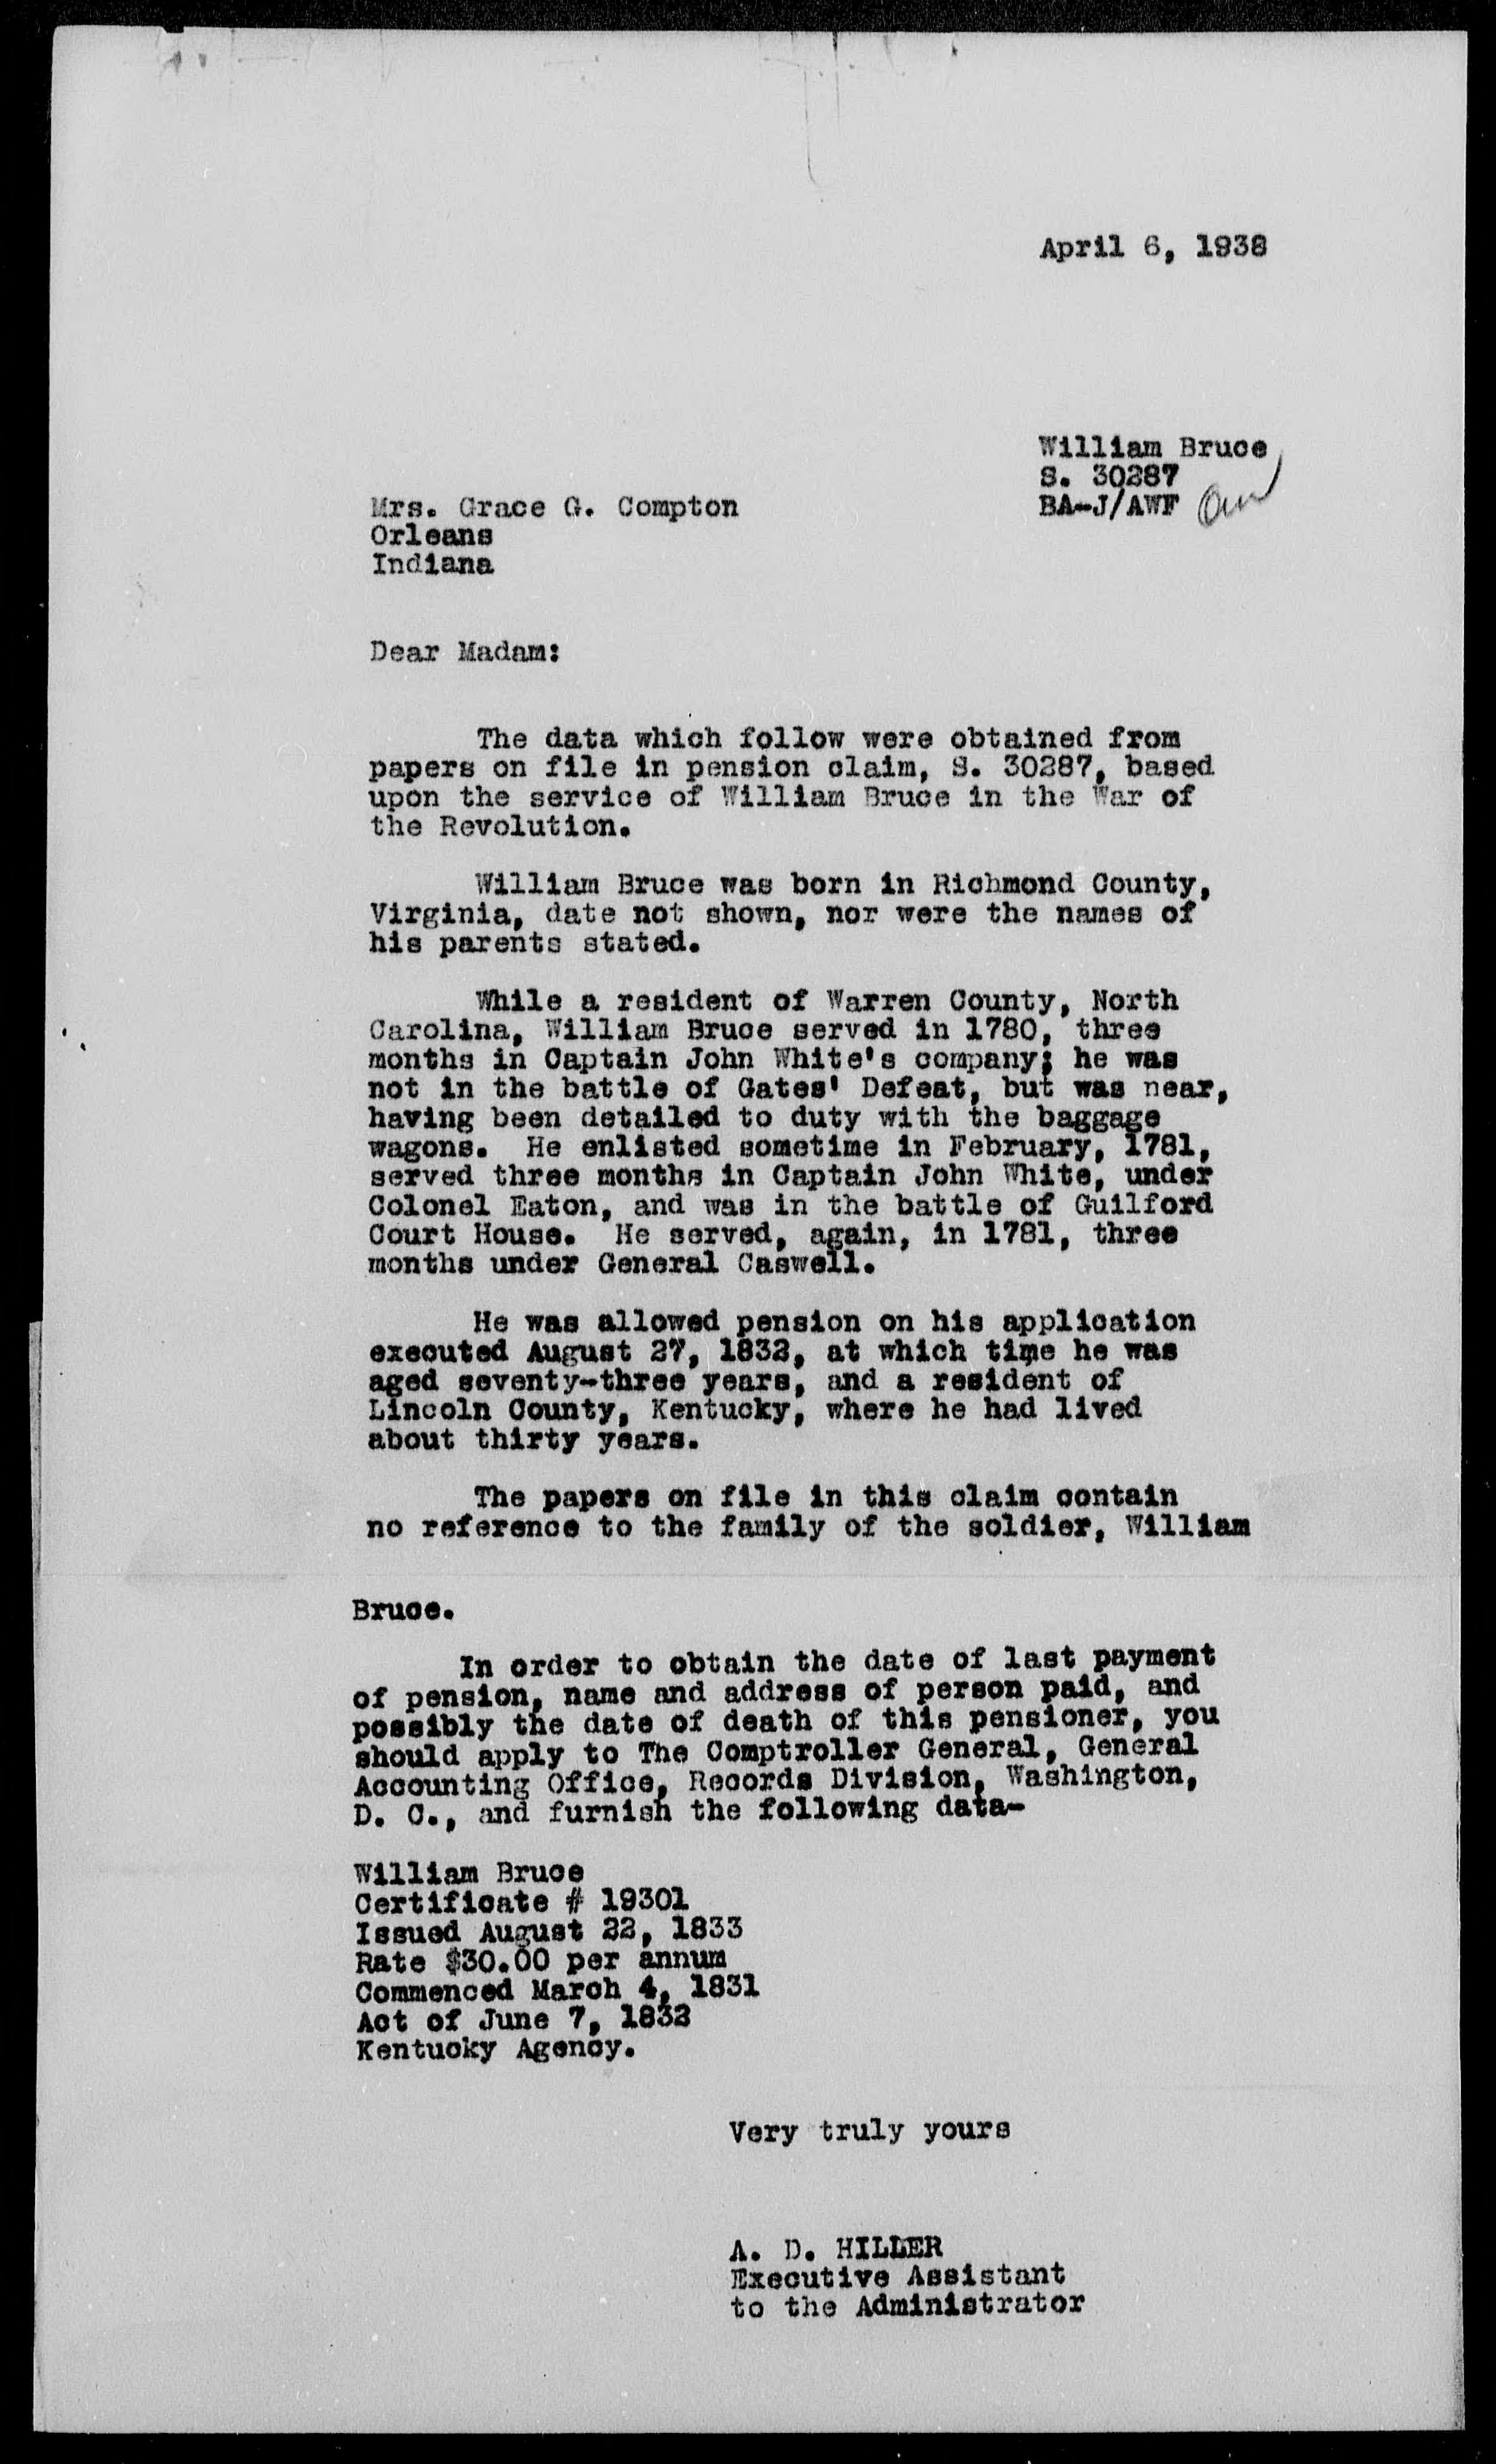[typed form, with handwritten responses]

April 6, 1838 

William Bruce, S. 30287 BA-J/AWF Own

Mrs. Grace G. Compton 
Orleans Indiana 

Dear Madam: 

The data which follow were obtained from papers on file in pension claim, S. 30287, based upon the service of William Bruce in the War of the Revolution. 
William Bruce was born in Richmond County, Virginia, date not shown, nor were the names of his parents stated. 
While a resident of Warren County, North Carolina, William Bruce served in 1780, three months in Captain John White's company; he was not in the battle of Gates' Defeat, but was near, having been detailed to duty with the baggage wagons. He enlisted sometime in February, 1781, served three months in Captain John White, under Colonel Eaton, and was in the battle of Guilford Court House. He served, again, in 1781, three months under General Caswell. 
He was allowed pension on his application executed August 27, 1832, at which time he was aged seventy-three years, and a resident of Lincoln County, Kentucky, where he had lived about thirty years. 
The papers on file in this claim contain no reference to the family of the soldier, William Bruce. 
In order to obtain the date of last payment of pension, name and address of person paid, and possibly the date of death of this pensioner, you should apply to The Comptroller General, General Accounting Office, Records Division, Washington, D. C., and furnish the following data—

William Bruce 
Certificate # 19301 
Issued August 22, 1833 
Rate $30.00 per annum 
Commenced March 4, 1831 
Act of June 7, 1832 
Kentucky Agency. 

Very truly yours 

A. D. HILLER 

Executive Assistant 
to the Administrator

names: William Bruce, William Bruce, William Bruce, William Bruce, Caswell, William Bruce, William Bruce, Grace G Compton, Eaton, A D Hiller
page: 46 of 54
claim: survivor's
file: S. 30287, William Bruce, N.C.